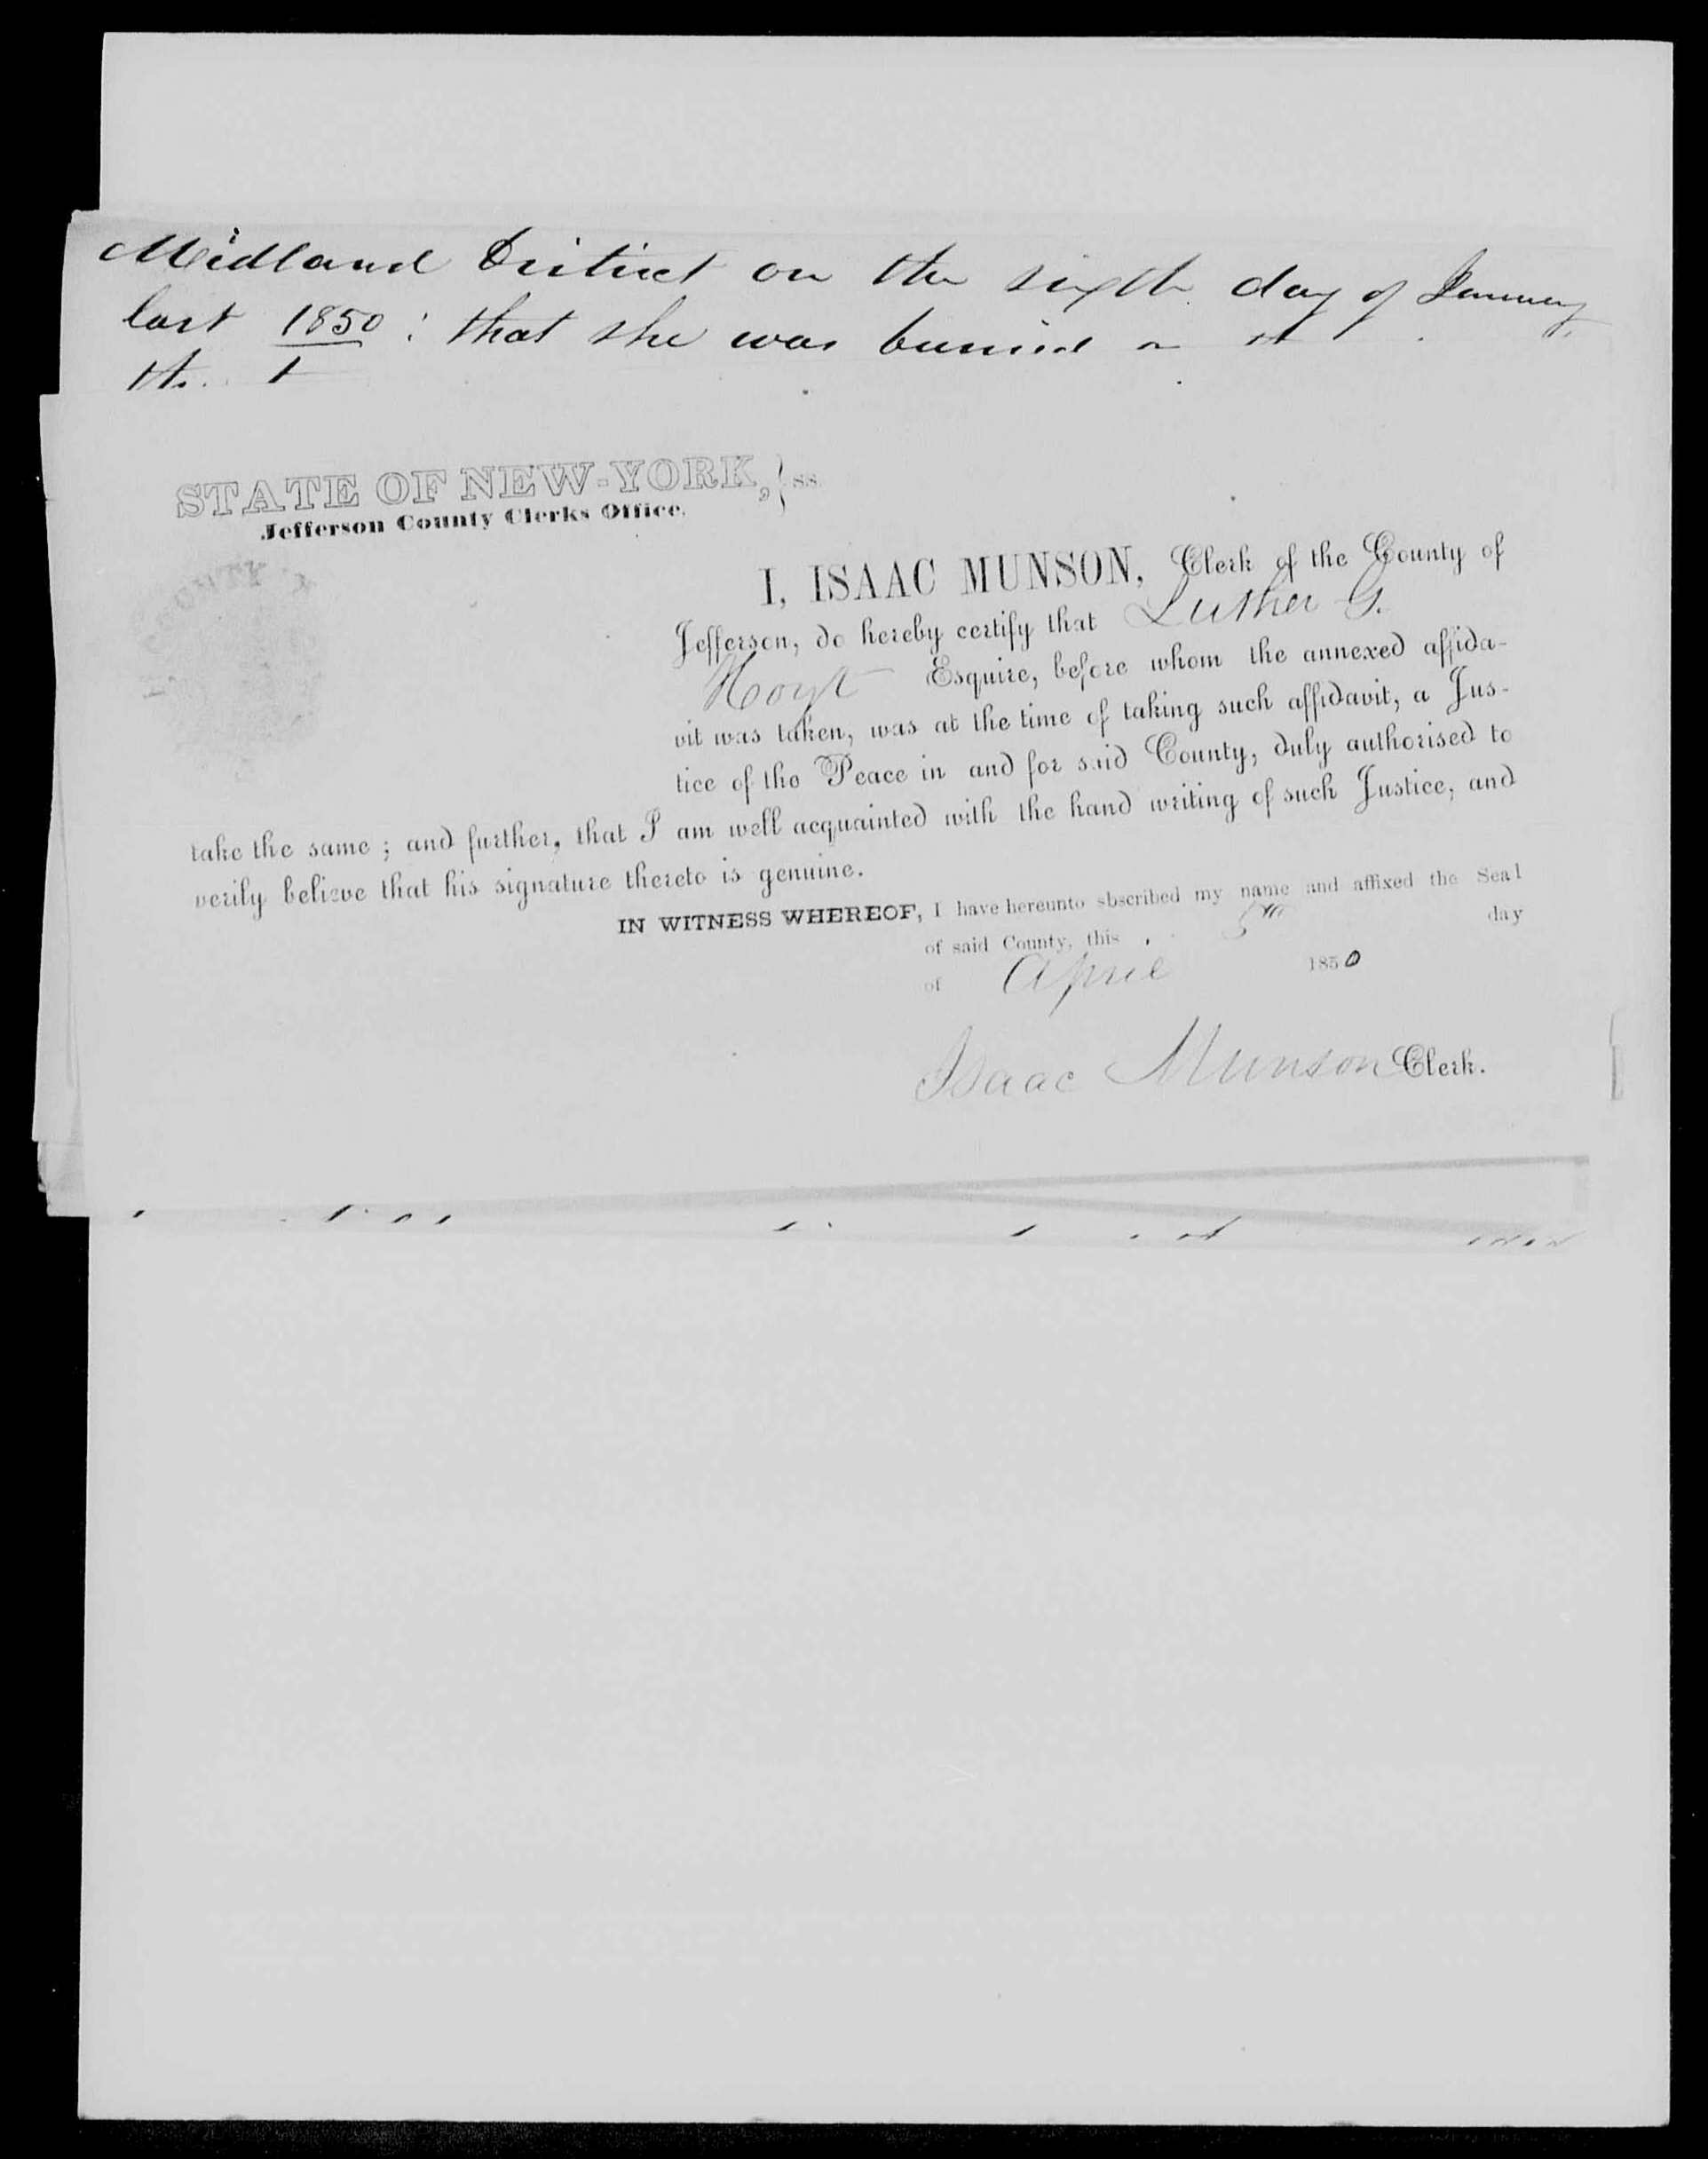Midland District on the sixth day of January last 1850: that she was buried (remainder covered by following paper)
STATE OF NEW YORK
Jefferson County Clerks Office  )  ss.
I, ISAAC MUNSON, Clerk of the county of Jefferson, do hereby certify that Luther G. Hoyt Esquire, before whom the annexed affadvit was taken, was at the time of taking such affidavit, a Justice of the Peace in and for said County, duly authorised to take the same; and further, that I am well acquainted with the hand writing of such Justice, and verily beliee that his signature thereto is genuine.
In witness Whereof, I have hereunto sbscribed my name and affixed the Seal of said County this 5th day of April 1850
Isaac Munson Clerk.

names: Isaac Munson, Luther G Hoyt, Isaac Munson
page: 21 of 26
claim: rejected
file: R. 2001, Jonathan Clark, Conn.